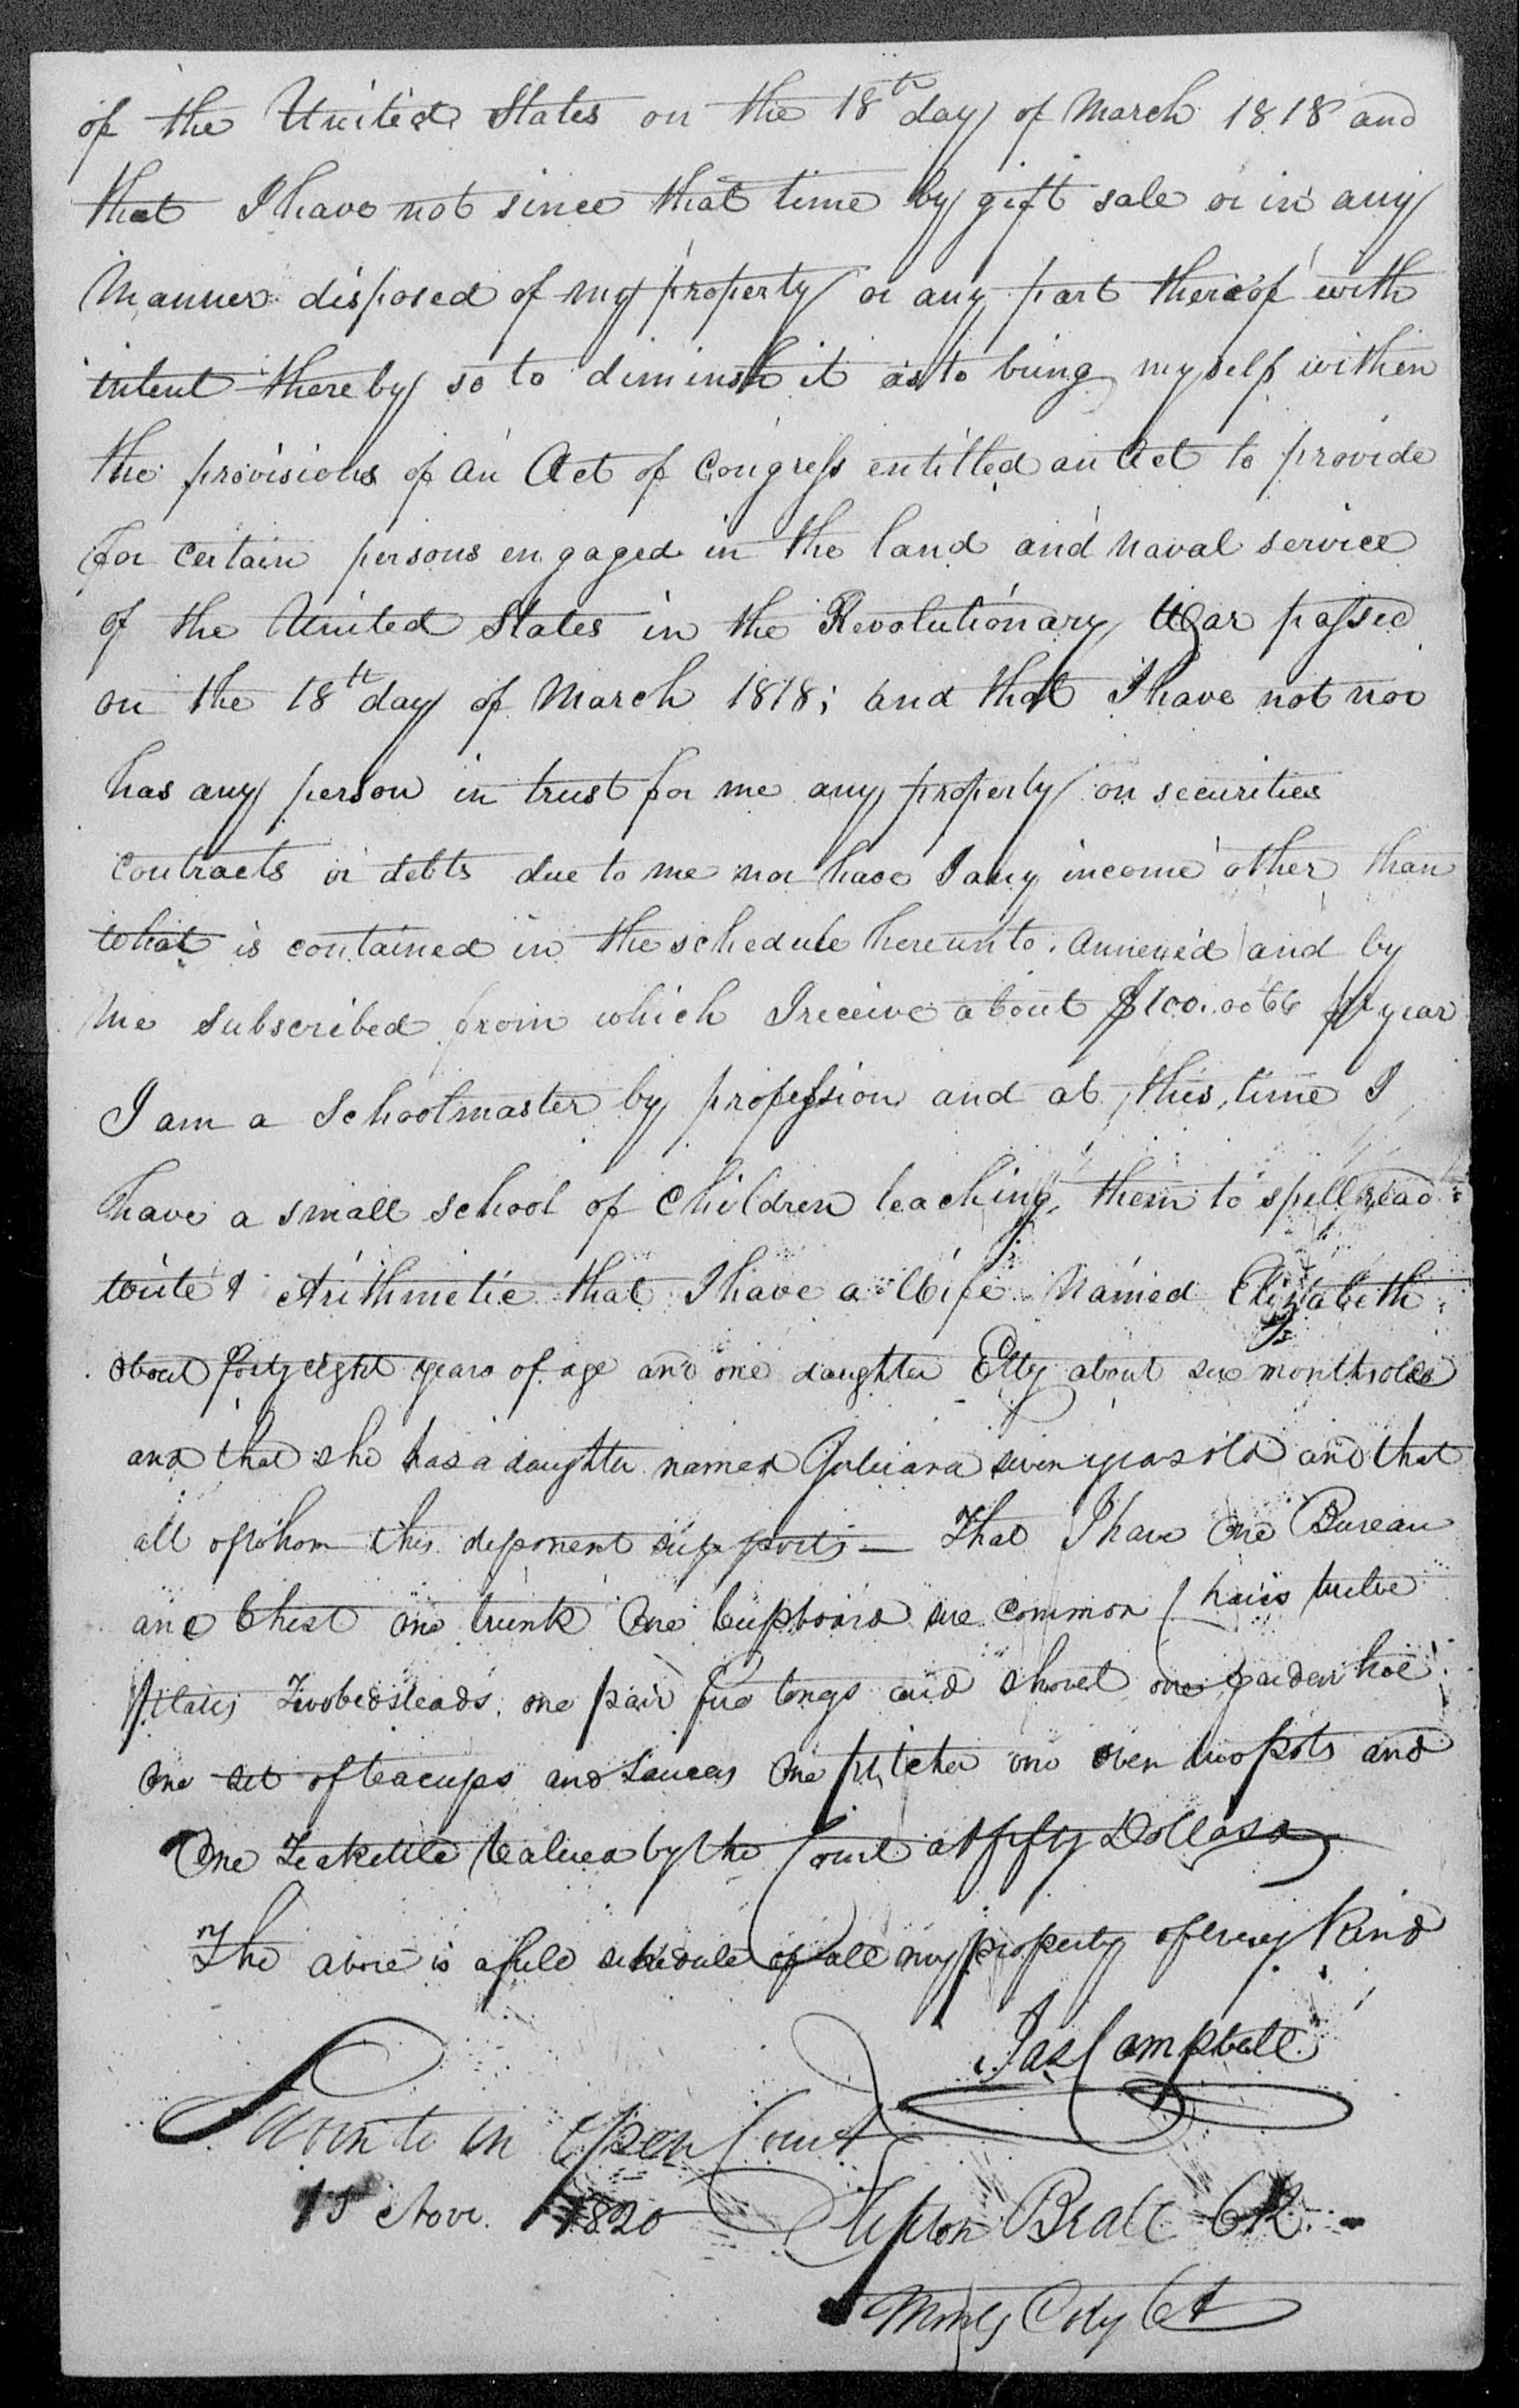of the Untied States on the 18th day of March 1818 and that I have not since that time by gift sale or in any manner disposed of my property or any part thereof with intent thereby so to diminish it as to bring myself within the provisions of an Act of Congress entitled an Act to provide for certain persons engaged in the land and naval service of the United States in the Revolutionary War passed on the 18th day of March 1818; and that I have not nor has any person in trust for me any property or securities contracts or debts due to me nor have I any income other than what is contained in the schedule hereunto annexed and by me subscribed from which I received about $100.00 66 per year I am a Schoolmaster by profession and at this time I have a small school of children teaching them to spell read write & Arithmetic that I have a Wife named Elizabeth about forty eight years of age and one daughter Etty about six months old and that she has a daughter named Juliana seven years old and that all of whom this deponent supports - That I have one Bureau and Chest one trunk One Cupboard six common chairs twelve plates Two bedsteads, one pair fire tongs and shovel one garden hoe one set of teacups and saucers one pitcher one oven two pots and one teakettle valued by the Court at fifty Dollars The above is a full schedule of all my property of every kind
Jas. Campbell
Sworn to in open Court
15 Nov. 1820 hepton Beall Ck.
Monts Coly 64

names: Etty, Jas Campbell, Elizabeth, Galuara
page: 6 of 47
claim: widow's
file: W. 25384, James Campbell, Va.